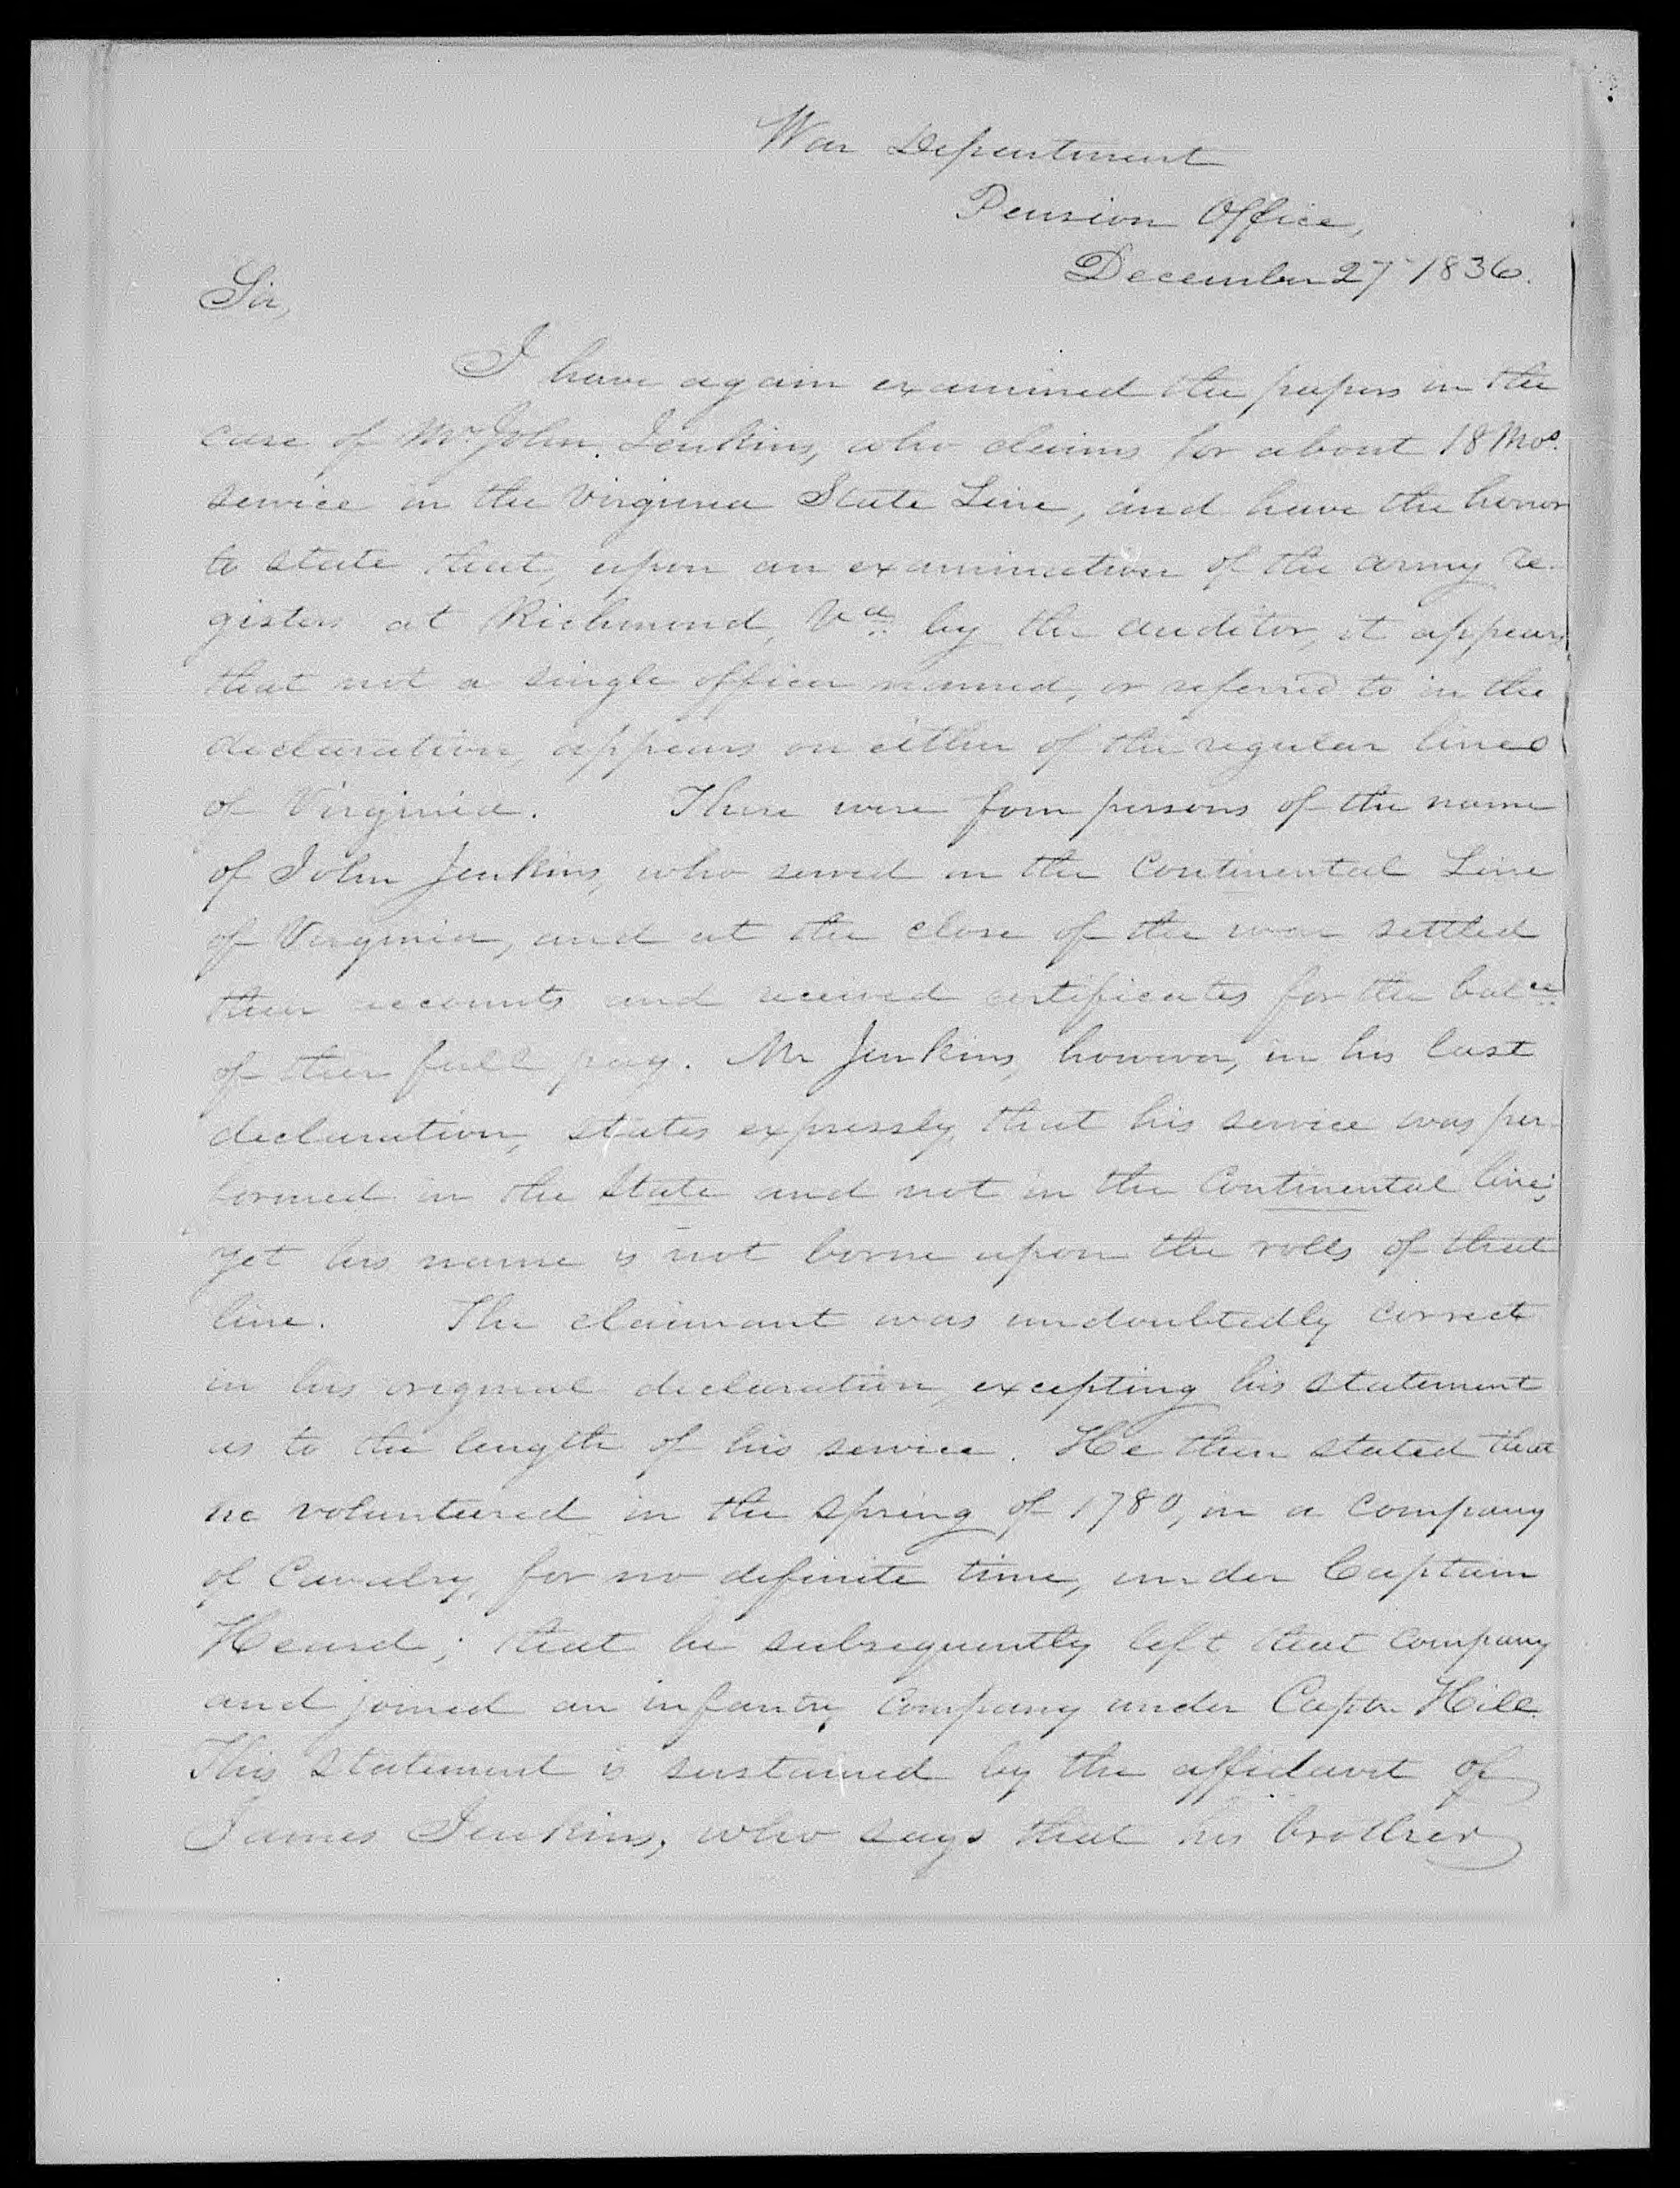War Department
Pension Office,
December 27 1836.
Sir,
I have again examined the papers in the case of Mr John Jenkins who claims for about 18 Mos service in the Virginia State Line, and have the honor to state that upon an examination of the army registers at Richmond, Va by the auditor, it appears that not a single officer named, or referred to in the declaration, appears on either of the regular lines of Virginia. There were four persons of the name of John Jenkins who served in the Continental Line of Virginia, and at the close of the war settled their accounts and received certificates for their balce [balance] of the full pay. Mr Jenkins however, in his last declaration, states expressly that his service was performed in the State and not in the Continental line yet his name is not borne upon the rolls of that line.
The claimant was undoubtedly correct in his original declaration excepting his statement
is to the length of his service. He then stated that he volunteered in the spring of 1780, in a company of Cavalry for no definite time, under Capt Heard; that he subsequently left that Company and joined an infantry Company under Capt Hill.
This statement is sustained by the affidavit of
James Jenkins, who says that his brother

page: 39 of 55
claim: widow's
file: W. 7894, for John Jenkins, Virginia